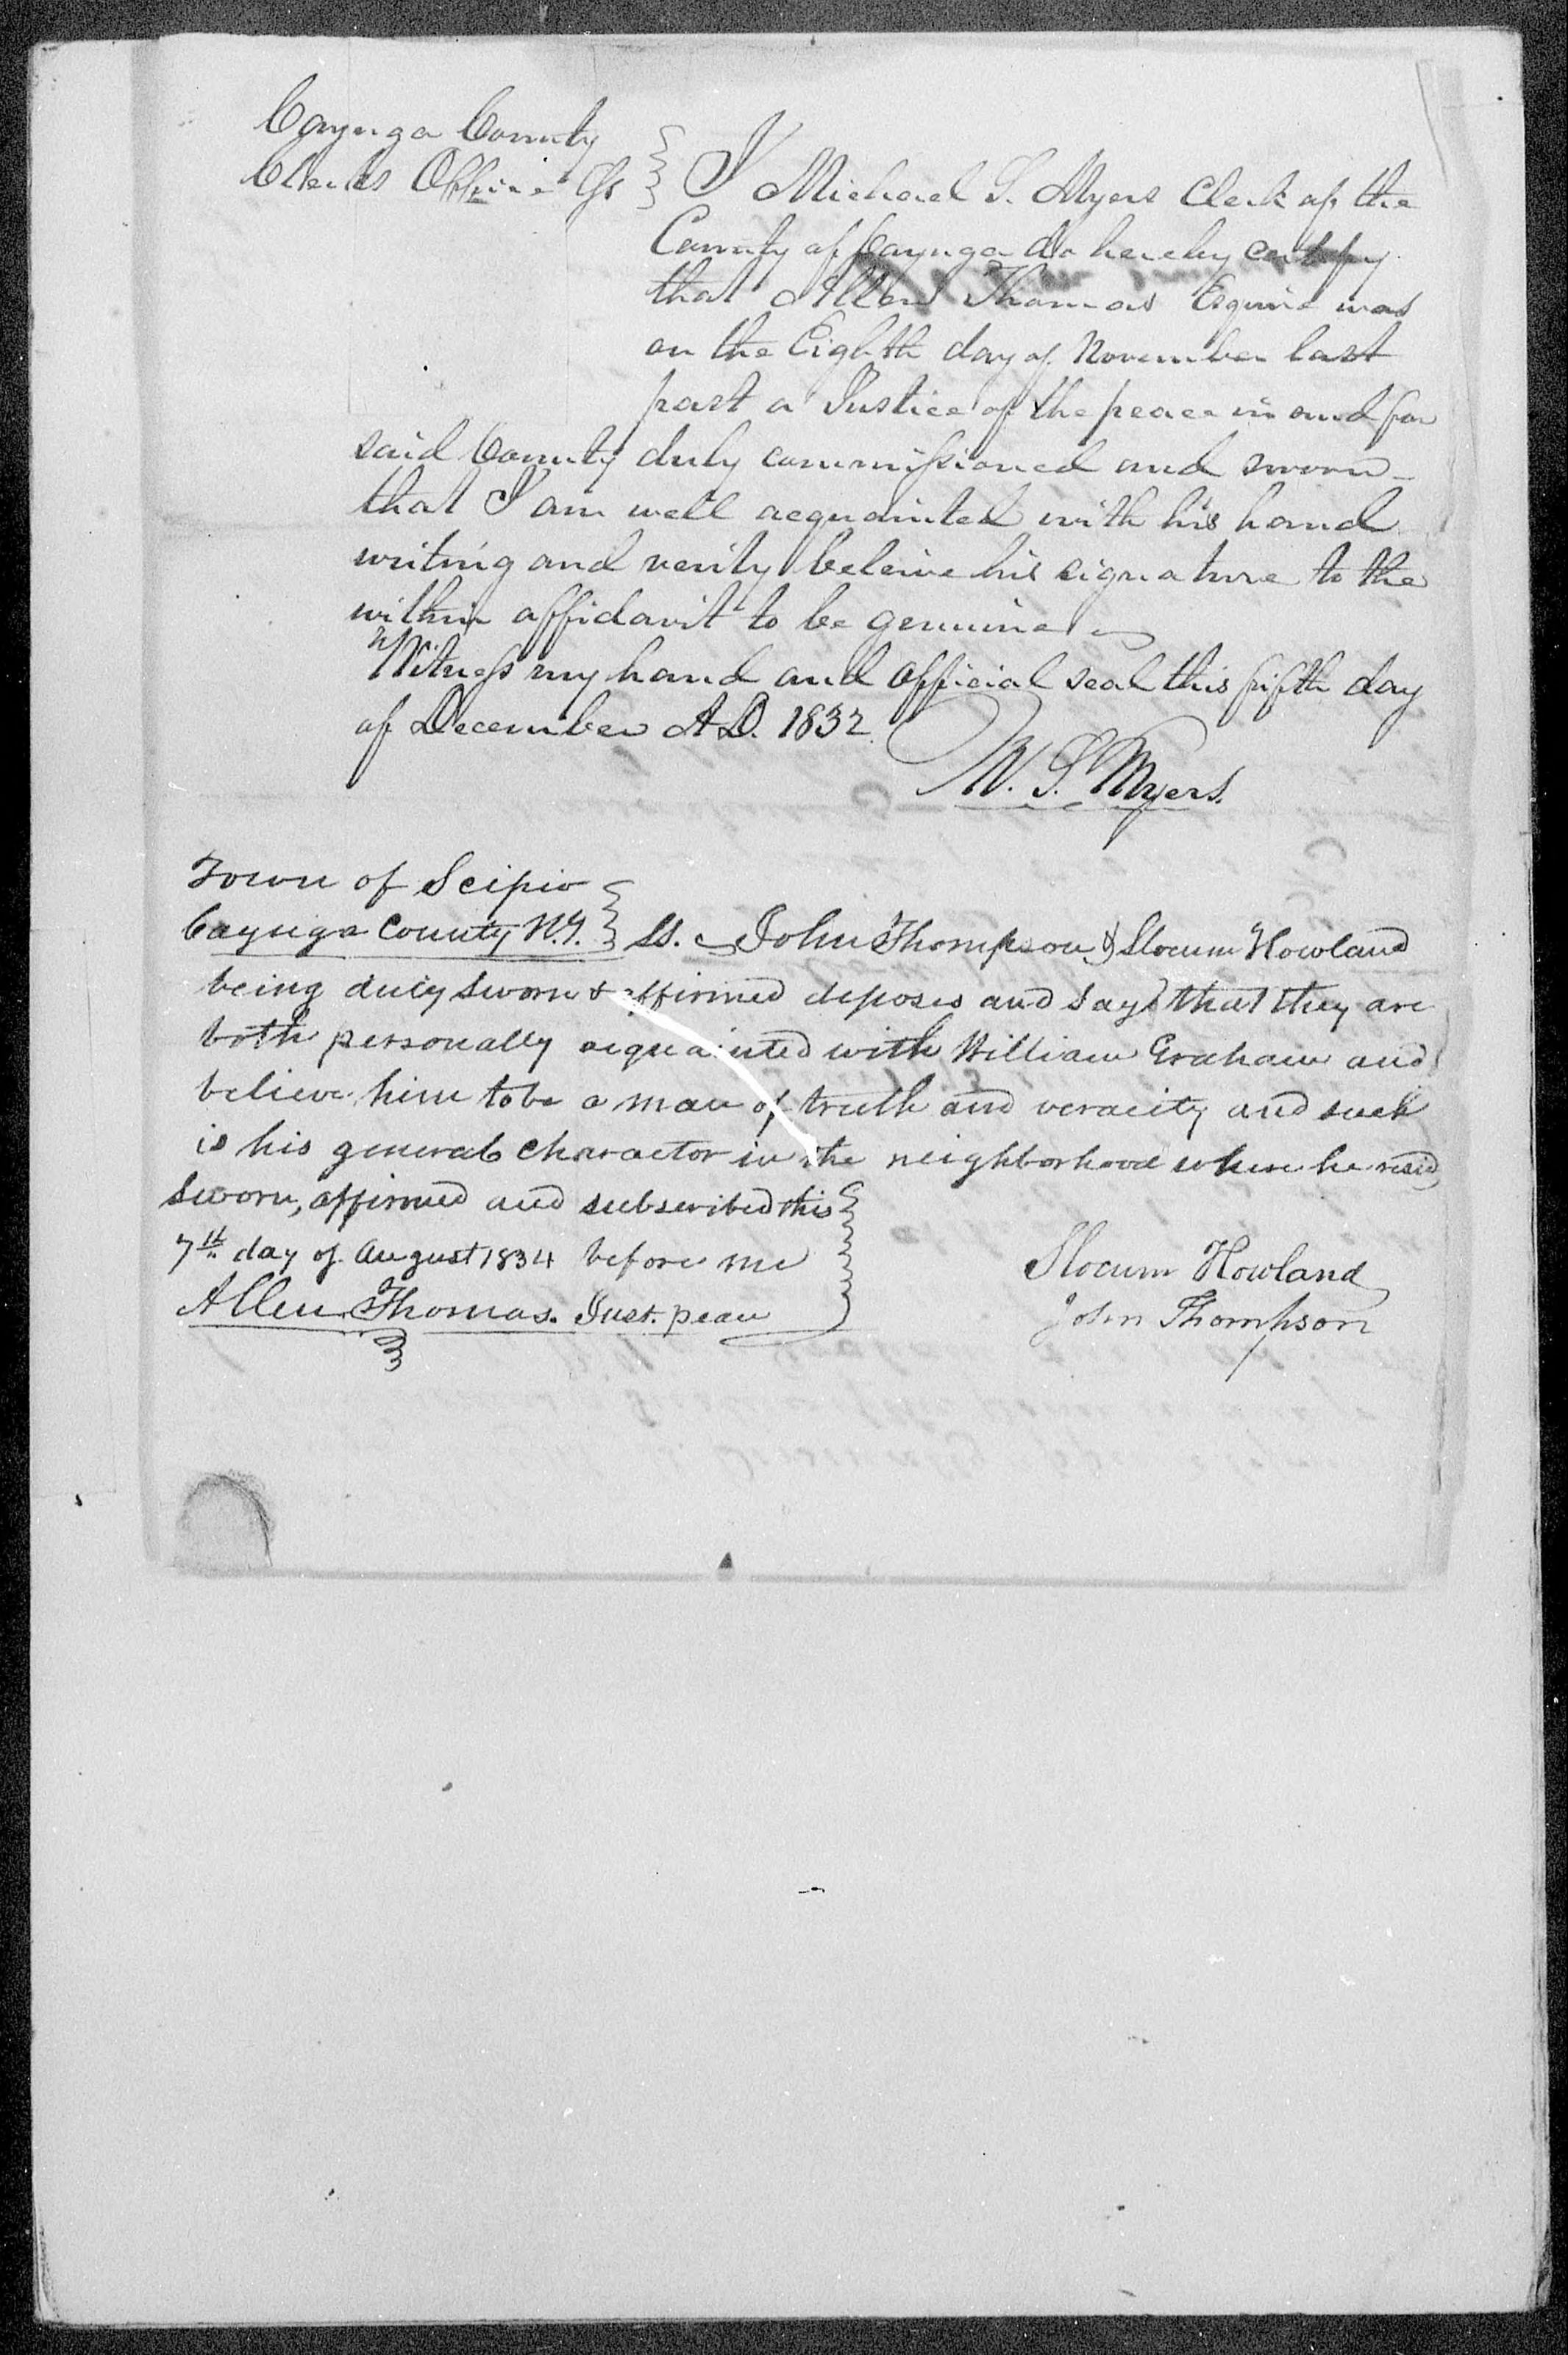Cayuga County
Clerks Office ss} I Michael S. Myers Clerk of the County of Cayuga do hereby certify that Allen Thomas Esquire was on the eighth day of November last past a Justice of the peace in and for said County duly commissioned and sworn - that I am well acquainted with his hand writing and verily beleive (believe) his signature to the within affidavit to be genuine -
Witness my hand and official seal this fifth day of December AD. 1832
M. S. Myers

Town of Scipio
Cayuga County N.Y.} ss. - John Thompson & Slocum Howland being duly sworn & affirmed deposes and say that they are both personally acquainted with William Graham and believe him to be a man of truth and veracity and such is his general character in the neighborhood when he said 
Slocum Howland
John Thompson

Sworn, affirmed and subscribed this 7th day of August 1834 before me
Allen Thomas. Just. peace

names: Allen Thomas, William Graham, M S Myers, Slocum Howland, Michael S Myers, Slocum Howland, John Thompson, John Thompson, Allen Thomas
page: 8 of 28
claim: survivor's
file: S. 22799, John Graham, Mass